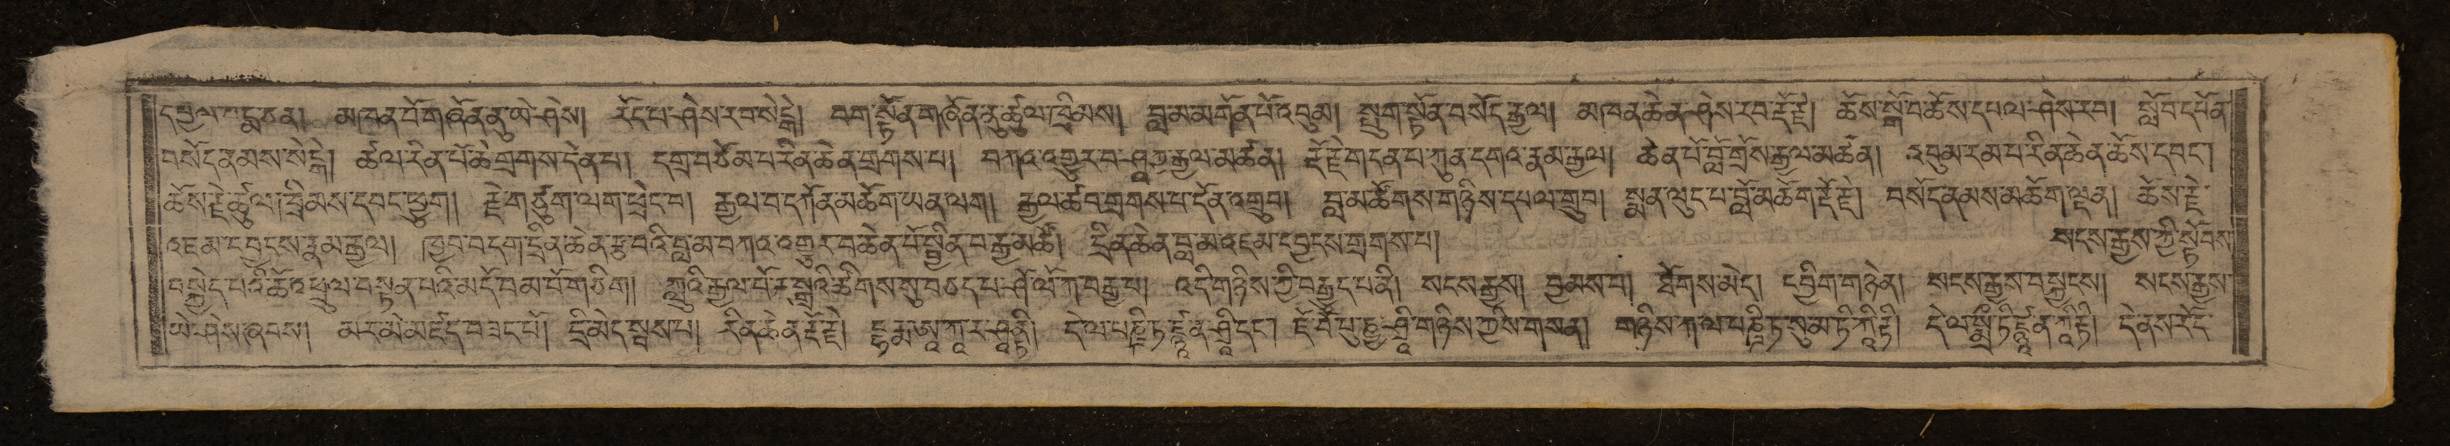དཔྱལ་པདམ་ཅན། མཁན་པོ་གཞོན་ནུ་ཡེ་ཤེས། རོང་པ་ཤེས་རབ་སེངྒེ། བག་སྟོན་གཞོན་ནུ་ཚུལ་ཁྲིམས། བླ་མ་མགོན་པོ་འབུམ། སྤུག་སྟོན་བསོད་རྒྱལ། མཁན་ཆེན་ཤེས་རབ་རྡོ་རྗེ། ཆོས་སྒོ་བ་ཆོས་དཔལ་ཤེས་དང་། སློབ་དཔོན་
བསོད་ནམས་སེངྒེ། ཚལ་རིན་པོ་ཆེ་གྲགས་དེན་པ། དགྲ་བཅོམ་པ་རིན་ཆེན་གྲགས་པ། བཀའ་འགྱུར་བ་ཤཱཀྱ་རྒྱལ་མཚན། རྡོ་རྗེ་གདན་པ་ཀུན་དགའ་རྣམ་རྒྱལ། ཆེན་པོ་བློ་གྲོས་རྒྱལ་མཚན། འབུམ་རམ་པ་རིན་ཆེན་ཆོས་དབང་།
ཆོས་རྗེ་ཚུལ་ཁྲིམས་དབང་ཕྱུག། རྗེ་གཙུག་ལག་ཕྲེང་བ། རྒྱལ་བ་དཀོན་མཆོག་ཡན་ལག། རྒྱལ་ཚབ་གྲགས་བ་དོན་འགྲུབ། བླ་མཚོགས་གཉིས་དཔལ་གྲུབ། སྨན་ལུང་པ་བློ་མཆོག་རྡོ་རྗེ། བསོད་ནམས་མཆོག་ལྡན། ཆོས་རྗེ་
འཇམ་དབྱངས་རྣམ་རྒྱལ། ཁྱབ་བདག་དྲིན་ཆེན་རྩ་བའི་བླ་མ་བཀའ་འགྱུར་བ་ཆེན་པོ་སྦྱིན་པ་རྒྱ་མཚོ། དྲིན་ཆེན་བླ་མ་འཇམ་དབྱངས་གྲགས་པ། སངས་རྒྱས་ཀྱི་སྟོབས་
བསྐྱེད་པའི་ཆོ་འཕྲུལ་བསྟན་པའི་མདོ་བམ་པོ་གཅིག། ཀླུའི་རྒྱལ་བོ་རྡ་སྒྲའི་ཚིགས་སུ་བཅད་པ་ཤོ་ལོ་ཀ་བརྒྱ་པ། འདི་གཉིས་ཀྱི་བརྒྱུད་པ་ནི། སངས་རྒྱས། བྱམས་པ། ཐོགས་མེད། དབྱིག་གཉིས། སངས་རྒྱས་བསྐྱངས། སངས་རྒྱས་
ཡེ་ཤེས་ཞབས། མར་མེ་མཛད་བཟང་པོ། དྲི་མེད་སྦས་པ། རིན་ཆེན་རྡོ་རྗེ། དྷ་རྨ་ཨཱ་ཀཱ་ར་ཤཱ་ནྟི། དེ་ལ་པཎྚྀ་ཏ་ཛྙཱ་ཤྲའི་དང་། ཇོ་བོ་པུ་ཎྱ་ཤྲའི་གཉིས་ཀྱིས་གསན། གཉིས་ཀ་ལ་པཎྚི་ཏ་སུ་མ་ཏི་ཀཱི་རྟི། དེ་ལ་སྨྲྀ་ཏི་ཛྙཱ་ཀཱི་རྟི། དེ་ནས་རོང་